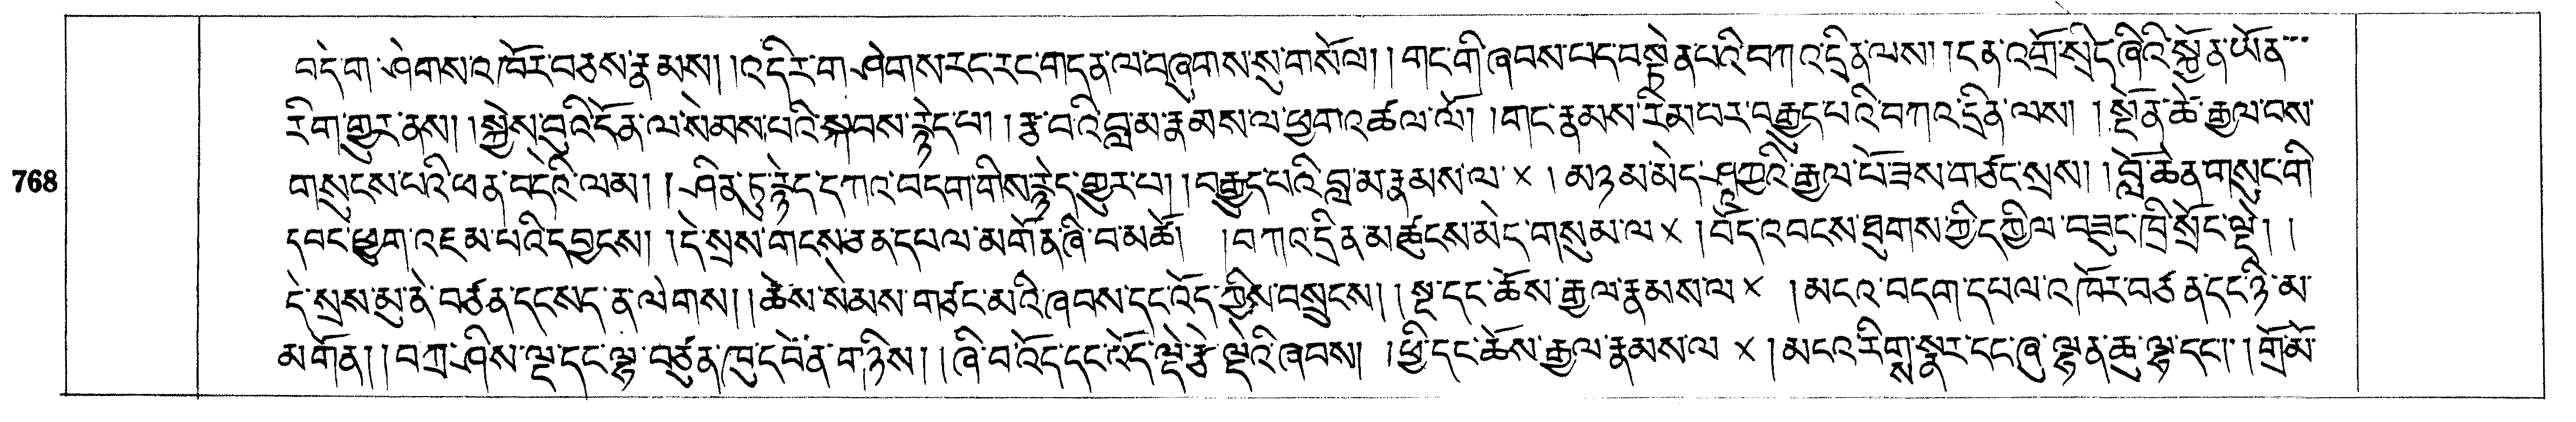བདེ་གཤེགས་འཁོར་བཅས་རྣམས། །འདིར་གཤེགས་རང་རང་གདན་ལ་བཞུགས་སུ་གསོལ། །གང་གི་ཞབས་པད་བསྟེན་པའི་བཀའ་དྲིན་ལས། །ངན་འགྲོ་སྲིད་ཞིའི་སྐྱོན་ཡོན་
རིག་གྱུར་ནས། །སྐྱེས་བུའི་དོན་ལ་སེམས་པའི་སྐབས་རྙེད་པ། །རྩ་བའི་བླ་མ་རྣམས་ལ་ཕྱག་འཚལ་ལོ། །གང་རྣམས་རིམ་པར་བརྒྱུད་པའི་བཀའ་དྲིན་ལས། །སྔོན་ཚེ་རྒྱལ་བས་
གསུངས་པའི་ཕན་བདེའི་ལམ། །ཤིན་ཏུ་རྙེད་དཀའ་བདག་གིས་རྙེད་གྱུར་པ། །བརྒྱུད་པའི་བླ་མ་རྣམས་ལ་྾། མཉམ་མེད་ཤཱཀྱའི་རྒྱལ་པོ་ཟས་གཙང་སྲས། །བློ་ཆེན་གསུང་གི་
དབང་ཕྱུག་འཇམ་པའི་དབྱངས། །དེ་སྲས་གངས་ཅན་དཔལ་མགོན་ཞི་བ་མཚོ། །བཀའ་དྲིན་མཚུངས་མེད་གསུམ་ལ་྾། བོད་འབངས་ཐུགས་ཀྱི་དཀྱིལ་བཟུང་ཁྲི་སྲོང་ལྡེ། །
དེ་སྲས་མུ་ནེ་བཙན་དང་སད་ན་ལེགས། །ཚེས་སེམས་གཙང་མའི་ཞབས་དང་འོད་ཀྱིས་བསྲུངས། །སྔ་དང་ཆོས་རྒྱལ་རྣམས་ལ་྾་།མངའ་བདག་དཔལ་འཁོར་བཙན་དང་ཉི་མ་
མགོན། །བཀྲ་ཤིས་ལྔ་དང་ལྷ་བཙུན་ཁུ་དབོན་གཉིས། །ཞི་བ་འོད་དང་འོད་ལྡེ་རྩེ་ལྡེའི་ཞབས། །ཕྱི་དང་ཆོས་རྒྱལ་རྣམས་ལ་྾་།མངའ་རིགས་སྣར་དང་ཞུ་ལྷན་ཆུ་ལྷ་དང་། །གྲོ་མོ་